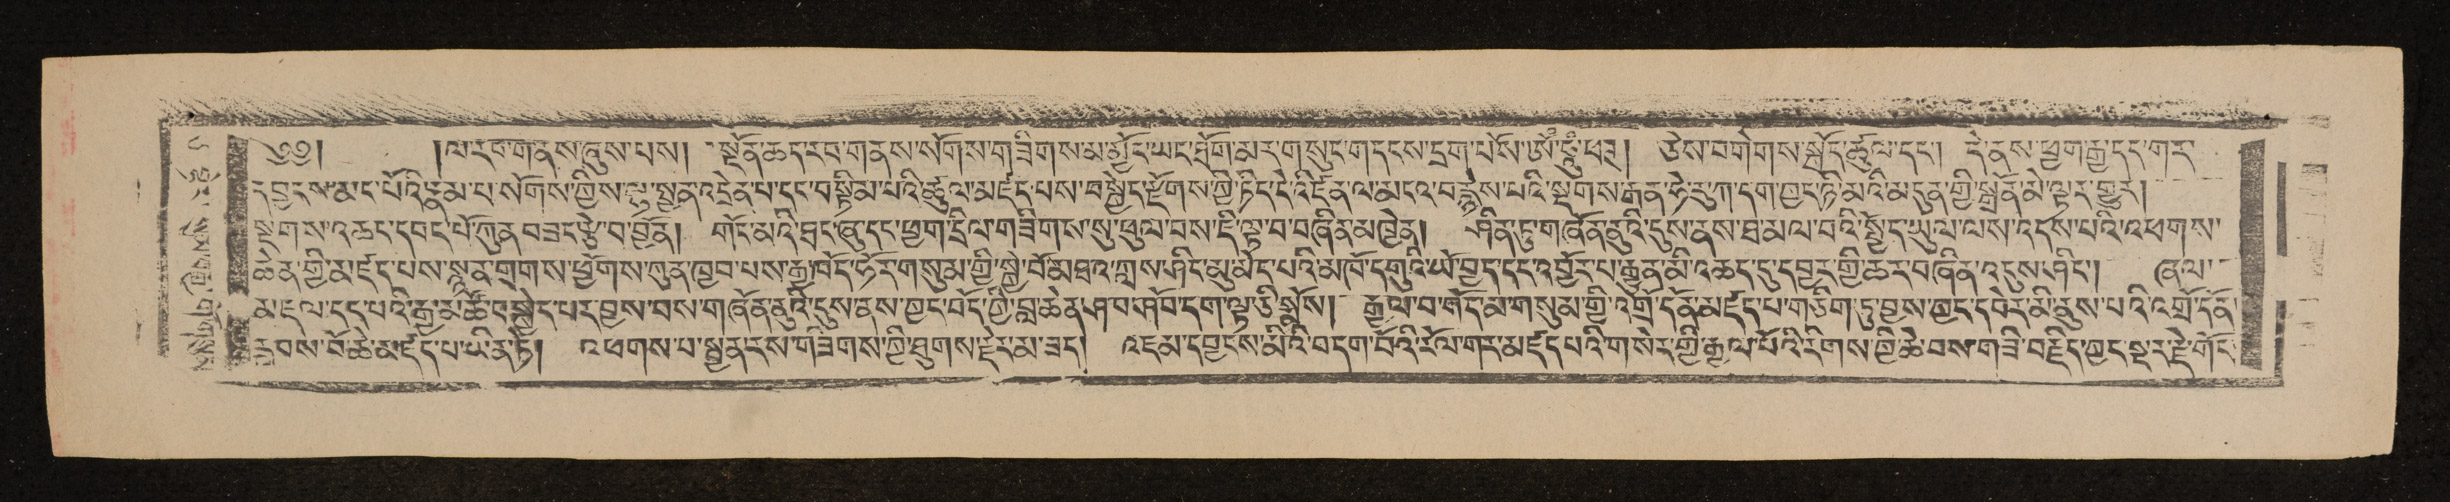༄༅། །ལ་རབ་གནས་ཞུས་པས། སྔོན་ཆད་རབ་གནས་སོགས་གཟིགས་མ་མྱོང་ཡང་ཐོག་མར་གསུང་གདངས་དྲག་པེས་ཨོཾ་ཧཱུཾ་ཕཊ། ཅེས་བགེགས་སྐྲོད་ཚུལ་དང་། དེ་ནས་ཕྱག་རྒྱ་དང་གར་
དབྱངས་མང་པོའི་རྣམ་པ་སོགས་ཀྱིས་ལྷ་སྤྱན་འདྲེན་པ་དང་བསྟིམ་པའི་ཚུལ་མཛད་པས་བསྐྱེད་རྫོགས་ཀྱི་ཏིང་ངེ་འཛིན་ལ་མངའ་བརྙེས་པའི་སྔགས་རྒན་ཧེ་རུ་ཀ་དག་ཀྱང་ཉི་མའི་མདུན་གྱི་སྒྲོན་མེ་ལྟར་གྱུར།
སྔགས་འཆང་དབང་པོ་ཀུན་བཟང་རྩེ་པ་བྱོན། གོང་མའི་ཐང་ཞུ་དང་ཕྱག་དྲིལ་གཟིགས་སུ་ཕུལ་བས་ཇི་ལྟ་བ་བཞིན་མཁྱེན། ཤིན་ཏུ་གཞོན་ནུའི་དུས་ནས་ཐ་མལ་བའི་སྤྱོད་ཡུལ་ལས་འདས་པའི་འཕགས་
ཆེན་གྱི་མཛད་པས་སྙན་གྲགས་ཕྱོགས་ཀུན་ཁྱབ་པས་རྒྱ་བོད་ཧོར་གསུམ་གྱི་སྐྱེ་བོ་མཐའ་ཀླས་ཤིང་མུ་མེད་པའི་མཁོ་དགུའི་ཡོ་བྱད་དང་འབྱོར་པ་རྒྱུན་མི་འཆད་དུ་དབྱར་གྱི་ཆར་བཞིན་འདུས་ཤིང་། ཞལ་
མཇལ་དད་པའི་རྒྱ་མཚོ་བསྐྱེད་པར་བྱས་པས་གཞོན་ནུའི་དུས་ནས་ཀྱང་བོད་ཀྱི་བླ་ཆེན་ཤབ་ཤོབ་དག་ལྟ་ཅི་སྨོས། རྒྱལ་བ་གོང་མ་གསུམ་གྱི་འགྲོ་དོན་མཛད་པ་གཅིག་ཏུ་བྱས་ཀྱང་དཔེར་མི་ནུས་པའི་འགྲོ་དོན་
རླབས་པོ་ཆེ་མཛད་པ་ཡིན་ཏེ། འཕགས་པ་སྤྱན་རས་གཟིགས་ཀྱི་ཐུགས་རྗེར་མ་ཟད། འཇམ་དབྱངས་མིའི་བདག་པོའི་རོལ་གར་མཛད་པའི་གསེར་གྱི་རྒྱལ་པོའི་རིགས་ཀྱི་ཆེ་བས་གཟི་བརྗིད་ཀྱང་སྔར་རྗེ་གོང་